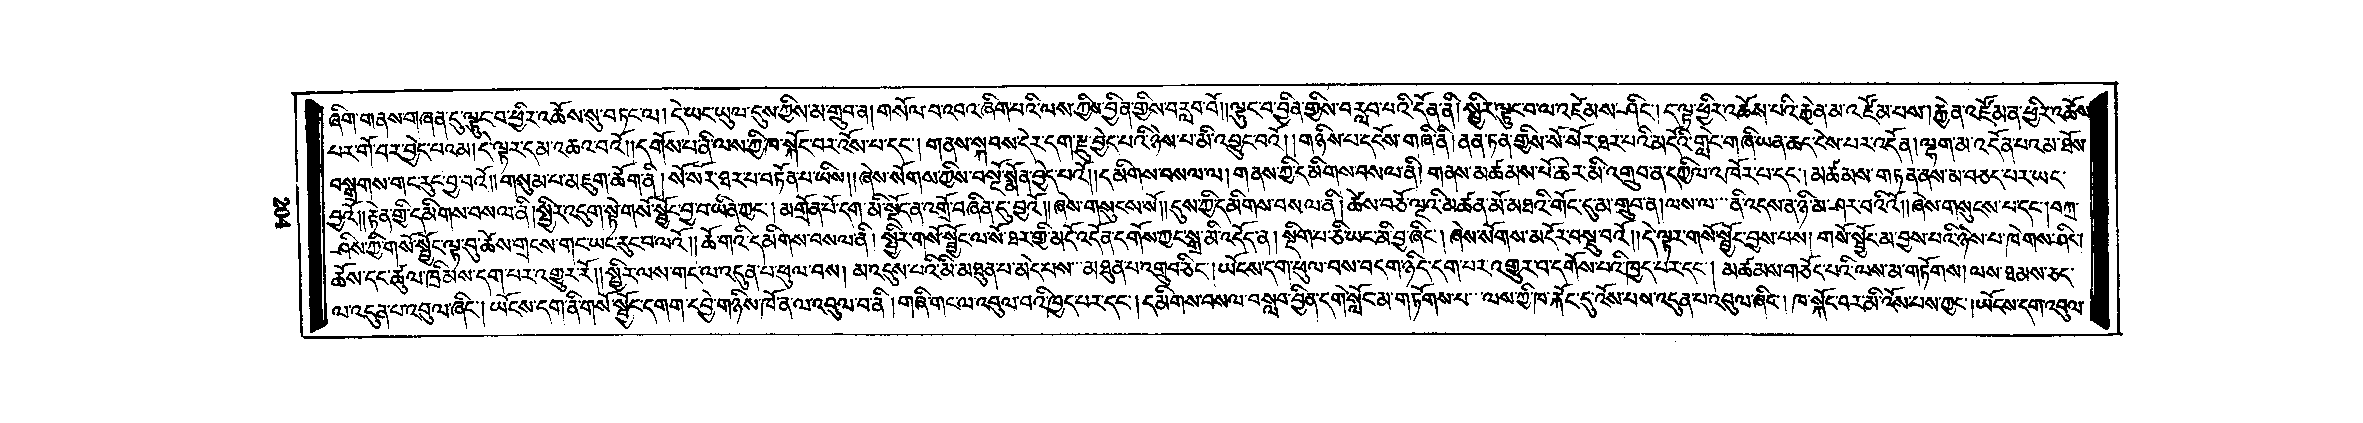ཞིག་གནས་གཞན་དུ་ལྟུང་བ་ཕྱིར་འཆོས་སུ་བཏང་ལ། དེ་ཡང་ཡུལ་དུས་ཀྱིས་མ་གྲུབ་ན། གསོལ་བ་འབའ་ཞིག་པའི་ལས་ཀྱིས་བྱིན་གྱིས་བརླབ་བོ། །ལྟུང་བ་བྱིན་གྱིས་བརླབ་པའི་དོན་ནི། སྤྱིར་ལྟུང་བ་ལ་འཛེམས་ཤིང་། ད་ལྟ་ཕྱིར་འཆོས་པའི་རྐྱེན་མ་འཛོམ་པས། རྐྱེན་འཛོམ་ན་ཕྱིར་འཆོས་
པར་གོ་བར་བྱེད་པའམ། དེ་ལྟར་དམ་འཆའ་བའོ། །དགོས་པ་ནི་ལས་ཀྱི་ཁ་སྐོང་བར་འོས་པ་དང་། གནས་སྐབས་དེར་དག་རྫུ་བྱེད་པའི་ཉེས་པ་མི་འབྱུང་བའོ། །གཉིས་པ་དངོས་གཞི་ནི། ནན་ཏན་གྱིས་སོ་སོར་ཐར་པའི་མདོའི་གླེང་གཞི་ཡན་ཆད་ངེས་པར་འདོན། ལྷག་མ་འདོན་པའམ་ཐོས་
བསྒྲགས་གང་རུང་བྱ་བའོ། །གསུམ་པ་མཇུག་ཆོག་ནི། སོ་སོར་ཐར་པ་བཏོན་པ་ཡིས། །ཞེས་སོགས་ཀྱིས་བསྔོ་སྨོན་བྱེད་པའོ། །དམིགས་བསལ་ལ། གནས་ཀྱི་དམིགས་བསལ་ནི། གནས་མཚམས་པོ་ཆེར་མི་འགྲུབ་ན་དཀྱིལ་འཁོར་བ་དང་། མཚམས་གཏན་ནས་མ་བཅད་པར་ཡང་
བྱའོ། །རྟེན་གྱི་དམིགས་བསལ་ནི། སྤྱིར་འདུག་སྟེ་གསོ་སྦྱོང་བྱ་བ་ཡིན་ཀྱང་། མགྲོན་པོ་དག་མི་སྡོད་ན་འགྲོ་བཞིན་དུ་བྱའོ། །ཞེས་གསུངས་སོ། །དུས་ཀྱི་དམིགས་བསལ་ནི། ཚེས་བཅོ་ལྔའི་མཚན་མོ་མཐའི་གོང་དུ་མ་གྲུབ་ན། ལས་ལ་ནི་འདས་ན་ཉི་མ་ཤར་བའིའོ། །ཞེས་གསུངས་པ་དང་། བཀྲ་
ཤིས་ཀྱི་གསོ་སྦྱོང་ལྟ་བུ་ཚེས་གྲངས་གང་ཡང་རུང་བ་ལའོ། །ཆོ་གའི་དམིགས་བསལ་ནི། སྤྱིར་གསོ་སྦྱོང་ལ་སོ་ཐར་གྱི་མདོ་འདོན་དགོས་ཀྱང་སྒྲ་མི་འདོད་ན། སྡིག་པ་ཅི་ཡང་མི་བྱ་ཞིང་། ཞེས་སོགས་མདོར་བསྡུ་བའོ། །དེ་ལྟར་གསོ་སྦྱོང་བྱས་པས། གསོ་སྦྱོང་མ་བྱས་པའི་ཉེས་པ་ཁེགས་ཤིང་།
ཆོས་དང་ཚུལ་ཁྲིམས་དག་པར་འགྱུར་རོ། །སྤྱིར་ལས་གང་ལ་འདུན་པ་ཕུལ་བས། མ་འདུས་པའི་མི་མཐུན་པ་མེད་པས་མཐུན་པ་འགྲུབ་ཅིང་། ཡོངས་དག་ཕུལ་བས་བདག་ཉིད་དག་པར་འགྱུར་བ་དགོས་པའི་ཁྱད་པར་དང་། མཚམས་གཅོད་པའི་ལས་མ་གཏོགས། ལས་ཐམས་ཅད་
ལ་འདུན་པ་འབུལ་ཞིང་། ཡོངས་དག་ནི་གསོ་སྦྱོང་དགག་དབྱེ་གཉིས་ཁོ་ན་ལ་འབུལ་བ་ནི། གཞི་གང་ལ་འབུལ་བའི་ཁྱད་པར་དང་། དམིགས་བསལ་བསླབ་བྱིན་དགེ་སློང་མ་གཏོགས་པ་ལས་ཀྱི་ཁ་རྐོང་དུ་འོས་པས་འདུན་པ་འབུལ་ཞིང་། ཁ་སྐོང་བར་མི་འོས་པས་ཀྱང་། ཡོངས་དག་འབུལ་